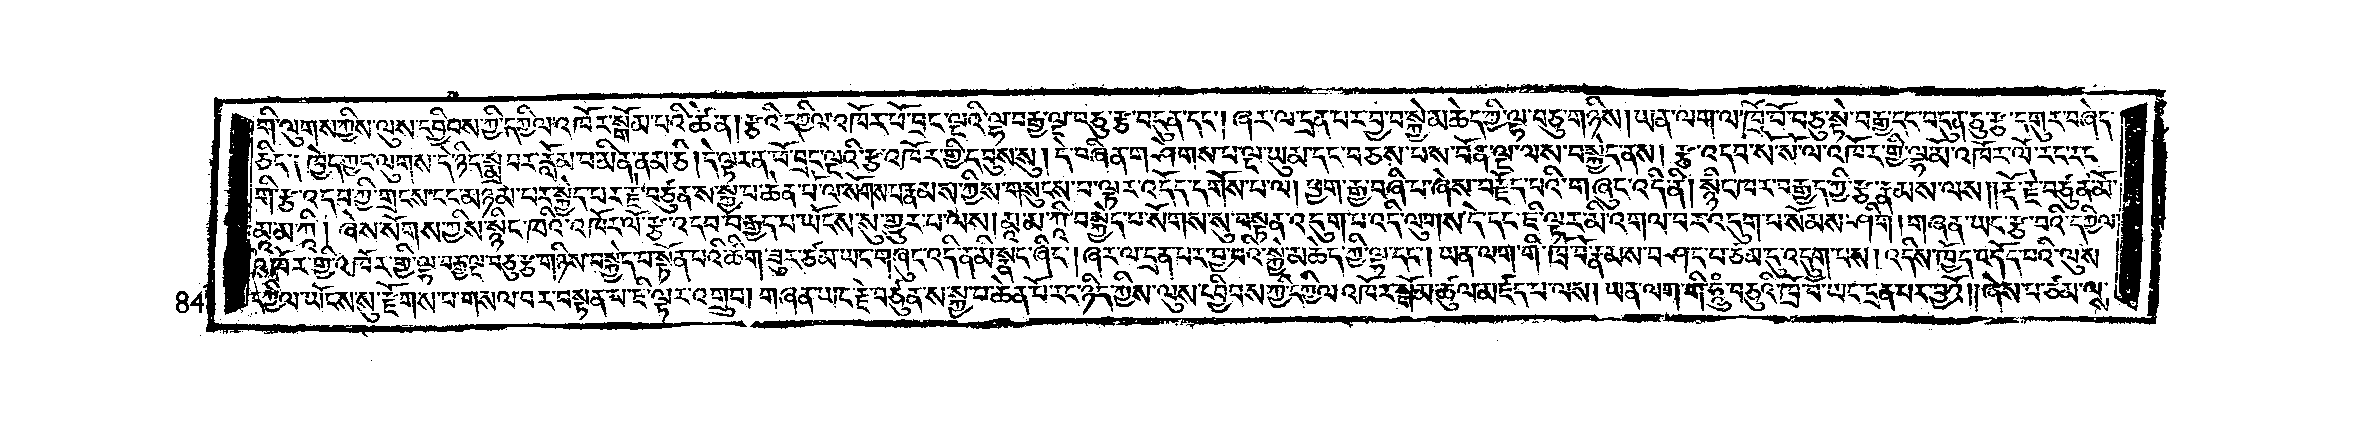གི་ལུགས་ཀྱིས་ལུས་དབྱིབས་ཀྱི་དཀྱིལ་འཁོར་སྒོམ་པའི་ཚེ་ན། རྩའི་དཀྱིལ་འཁོར་ཕོ་བྲང་ལྔའི་ལྷ་བརྒྱ་ལྔ་བཅུ་རྩ་བདུན་དང་། ཞར་ལ་དྲན་པར་བྱ་བ་སྐྱེ་མཆེད་ཀྱི་ལྷ་བཅུ་གཉིས། ཡན་ལག་ལ་ཁྲོ་བོ་བཅུ་སྟེ་བརྒྱ་དང་བདུན་ཅུ་རྩ་དགྲུར་བཞེད་
ཅིང་། ཁྱེད་ཀྱང་ལུགས་དེ་ཉིད་སྨྲ་བར་རློམ་པ་མིན་ནམ་ཅི། དེ་ལྟར་ན་ཕོ་བྲང་ལྔའི་རྩ་འཁོར་གྱི་དབུས་སུ། དེ་བཞིན་གཤེགས་པ་ལྔ་ཡུམ་དང་བཅས་པ་ས་བོན་ལྔ་ལས་བསྐྱེད་ནས། རྩ་འདབ་སོ་སོ་ལ་འཁོར་གྱི་ལྷ་མོ་འཁོར་ལོ་རང་རང་
གི་རྩ་འདབ་ཀྱི་གྲངས་ངང་མཉམ་པར་སྐྱེད་པར་རྗེ་བཙུན་ས་སྐྱ་པ་ཆེན་པོ་ལ་སོགས་པ་རྣམས་ཀྱིས་གསུངས་པ་ལྟར་འདོད་དགོས་པ་ལ། ཕྱག་རྒྱ་བཞི་པ་ཞེས་བརྗོད་པའི་གཞུང་འདི་ནི། སྙིང་ཁར་བརྒྱར་ཀྱི་རྩ་རྣམས་ལས། །རྡོ་རྗེ་བཙུན་མོ་
མཱ་མ་ཀཱི། ཞེས་སོགས་ཀྱིས་སྙིང་ཀའི་འཁོར་ལོ་རྩ་འདབ་བརྒྱད་པ་ཡོངས་སུ་གྱུར་པ་ལས། མཱ་མ་ཀཱི་བསྐྱེད་པ་སོགས་སུ་བསྟན་འདུག་པ་འདི་ལུགས་དེ་དང་ཇི་ལྟར་མི་འགལ་བར་འདུག་པ་སོམས་ཤིག། གཞན་ཡང་རྩ་བའི་དཀྱིལ་
འཁོར་གྱི་འཁོར་གྱི་ལྷ་བརྒྱ་ལྔ་བཅུ་རྩ་གཉིས་བསྐྱེད་པ་སྟོན་པའི་ཚིག་ཟུར་ཙམ་ཡང་གཞུང་འདི་ན་མི་སྣང་ཞིང་། ཞར་ལ་དྲན་པར་བྱ་བའི་སྐྱེ་མཆེད་ཀྱི་ལྷ་དང་། ཡན་ལག་གི་ཁྲོ་བོ་རྣམས་བཤད་པ་ཙམ་དུ་འདུག་པས། འདིས་ཁྱོད་འདོད་པའི་ལུས་
དཀྱིལ་ཡོང་སུ་རྫོགས་པ་གསལ་བར་བསྟན་པ་ཇི་ལྟར་འགྲུབ། གཞན་ཡང་རྗེ་བཙུན་ས་སྐྱ་པ་ཆེན་པོ་རང་ཉིད་ཀྱིས་ལུས་དབྱིབས་ཀྱི་དཀྱིལ་འཁོར་སྒོམ་ཚུལ་མཛད་པ་ལས། ཡན་ལག་གི་ཧཱུཾ་བཅུའི་ཁྲོ་བོ་ཡང་དྲན་པར་བྱའོ། །ཞེས་པ་ཙམ་ལས་